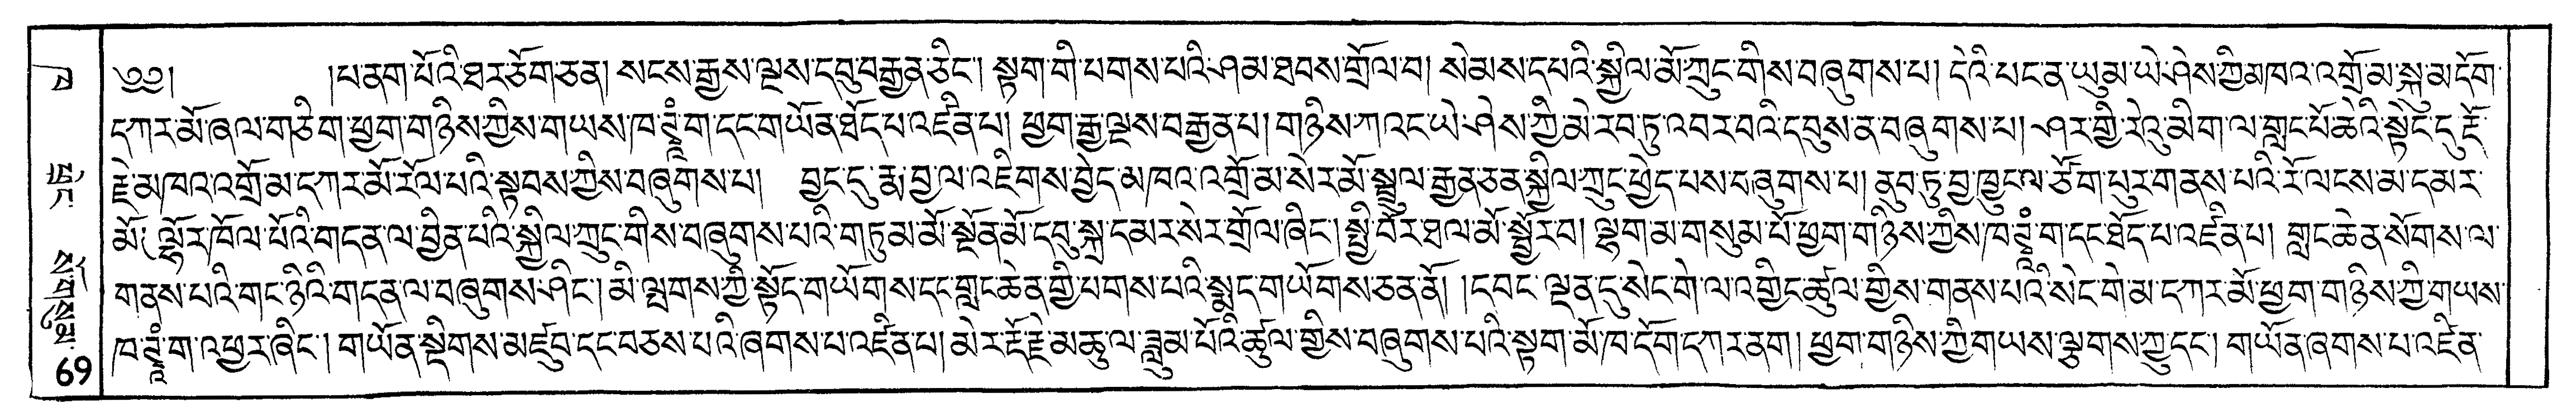༄༅། །པ་ནག་པོའི་ཐར་ཅོག་ཅན། སངས་རྒྱས་ལྔས་དབུ་བརྒྱན་ཅིང་། སྟག་གི་པགས་པའི་ཤམ་ཐབས་གྲོལ་བ། སེམས་དཔའི་སྐྱིལ་མོ་ཀྲུང་གིས་བཞུགས་པ། དེའི་པང་ན་ཡུམ་ཡེ་ཤེས་ཀྱི་མཁའ་འགྲོ་མ་སྐུ་མདོག་
དཀར་མོ་ཞལ་གཅིག་ཕྱག་གཉིས་ཀྱིས་གཡས་ཁ་ཊྭཱཾ་ག་དང་གཡོན་ཐོད་པ་འཛིན་པ། ཕྱག་རྒྱ་ལྔས་བརྒྱན་པ། གཉིས་ཀའང་ཡེ་ཤེས་ཀྱི་མེ་རབ་ཏུ་འབར་བའི་དབུས་ན་བཞུགས་པ། ཤར་གྱི་རེའུ་མིག་ལ་གླང་པོ་ཆེའི་སྟེང་དུ་རྡོ་
རྗེ་མཁའ་འགྲོ་མ་དཀར་མོ་རོལ་པའི་སྟབས་ཀྱིས་བཞུགས་པ། བྱང་དུ་རྨ་བྱ་ལ་འཇིགས་བྱེད་མཁའ་འགྲོ་མ་སེར་མོ་སྦྲུལ་རྒྱན་ཅན་སྐྱིལ་ཀྲུང་ཕྱེད་པས་བཞུགས་པ། ནུབ་ཏུ་བྱ་ཁྱུང་ལ་ཙོག་པུར་གནས་པའི་རོ་ལངས་མ་དམར་
མོ། ལྷོར་ཁོལ་པོའི་གདན་ལ་བྱིན་པའི་སྐྱིལ་ཀྲུང་གིས་བཞུགས་པའི་གཏུམ་མོ་སྔོན་མོ་དབུ་སྐྲ་དམར་སེར་གྲོལ་ཞིང་། སྤྱི་བོར་ཐལ་མོ་སྦྱོར་བ། ལྷག་མ་གསུམ་པོ་ཕྱག་གཉིས་ཀྱིས་ཁ་ཊྭཱཾ་ག་དང་ཐོད་པ་འཛིན་པ། གླང་ཆེན་སོགས་ལ་
གནས་པའི་གང་ཉིའི་གདན་ལ་བཞུགས་ཤིང་། མི་ལྤགས་ཀྱི་སྟོད་གཡོགས་དང་གླང་ཆེན་གྱི་པགས་པའི་སྨད་གཡོགས་ཅན་ནོ། །དབང་ལྡན་དུ་སེང་གེ་ལ་འགྱིང་ཚུལ་གྱིས་གནས་པའི་སེང་གེ་མ་དཀར་མོ་ཕྱག་གཉིས་ཀྱི་གཡས་
ཁ་ཊྭཱཾ་ག་འཕྱར་ཞིང་། གཡོན་སྡིགས་མཛུབ་དང་བཅས་པའི་ཞགས་པ་འཛིན་པ། མེར་རྡོ་རྗེ་མཆུ་ལ་ཟླུམ་པོའི་ཚུལ་གྱིས་བཞུགས་པའི་སྟག་མོ་ཁ་དོག་དཀར་ནག །ཕྱག་གཉིས་ཀྱི་གཡས་ལྕགས་ཀྱུ་དང་། གཡོན་ཞགས་པ་འཛིན་